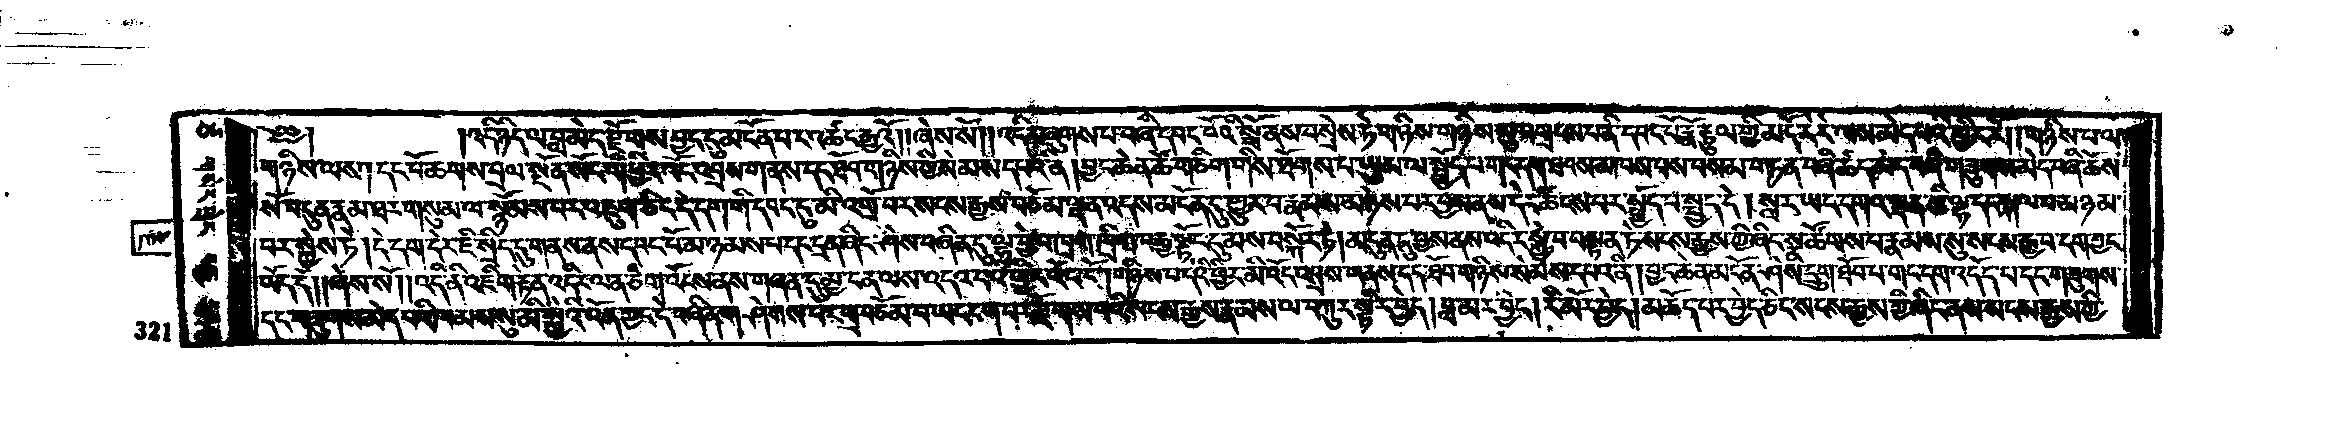༄༅། །འདི་ཉིད་ལ་བླ་མེད་རྫོགས་བྱང་དུ་མངོན་པར་འཚང་རྒྱའོ། །ཞེས་སོ། །འདིར་ཞུགས་པ་བཞི་དབང་པོའི་སྒོ་ནས་བསྲེས་ཏེ་གཉིས་གཉིས་སུ་བགྲངས་པ་ནི་དབང་པོ་རྣོ་རྟུལ་གྱི་མདོ་རེ་རེ་ལས་མེད་པའི་ཕྱིར་རོ། །གཉིས་པ་ལ་
གཉིས་ལས། དང་པོ་ཆགས་བྲུལ་སྔོན་སོང་གི་ཕྱིར་འོང་འབྲས་གནས་དང་ཐོབ་གཉིས་ཀྱི་སེམས་དཔའ་ནི། བྱང་ཆེན་ཚེ་གཅིག་གིས་ཐོགས་པ་ཡུམ་ལ་སྤྱོད་པ་གང་དག་ཐབས་མཁས་པས་བསམ་གཏན་བཞི་ཚད་མེད་བཞི་གཟུགས་མེད་བཞི་ཆོས་
སོ་བདུན་རྣམ་ཐར་གསུམ་ལ་སྙོམས་པར་འཇུག་ཅིང་དེ་དག་གི་དབང་དུ་མི་འགྲོ་བར་སངས་རྒྱས་བཅོམ་ལྡན་འདས་མངོན་དུ་གྱུར་པ་རྣམས་མཉེས་པར་བྱས་ནས་དེར་ཚངས་པར་སྤྱོད་པ་སྤྱད་དེ། སླར་ཡང་དགའ་ལྡན་གྱི་ལྷ་དང་སྐལ་པ་མཉམ་
པར་སྐྱེས་ཏེ། དེ་དག་དེར་ཇི་སྲིད་དུ་གནས་ནས་དབང་པོ་མཉམས་པ་དང་དྲན་ཞིང་ཤེས་བཞིན་དུ་ལྷ་བྱེ་བ་ཁྲག་ཁྲིག་བརྒྱ་སྟོང་དུ་མས་བསྐོར་ཏེ། མདུན་དུ་བྱས་ནས་འདིར་སྐྱེ་བ་བསྟན་ཏེ་སངས་རྒྱས་ཀྱི་ཞིང་སྣ་ཚོགས་པ་རྣམས་སུ་སངས་རྒྱ་བ་དག་ཀྱང་
ཡོད་དོ། །ཞེས་སོ། །འདི་ནི་འཇིག་རྟེན་འདིར་ལན་ཅིག་འོངས་ནས་གཞན་དུ་མྱ་ངན་ལས་འདའ་བའི་ཕྱིར་འོང་ངོ། གཉིས་པ་དེའི་ཕྱིར་མི་འོང་འབྲས་གནས་དད་ཐོབ་གཉིས་སེམས་དཔའ་ནི། བྱང་ཆེན་མངོན་ཤེས་དྲུག་ཐོབ་པ་གང་དག་འདོད་པ་དང་གཟུགས་
དང་གཟུགས་མེད་པའི་ཁམས་སུ་མི་སྐྱེའི་འོན་ཀྱང་དེ་བཞིན་གཤེགས་པ་དགྲ་བཅོམ་པ་ཡང་དག་པར་རྫོགས་པའི་སངས་རྒྱས་རྣམས་ལ་བཀུར་སྟིར་བྱེད། བླ་མར་བྱེད། རི་མོར་བྱེད། མཆོད་པར་བྱེད་ཅིང་སངས་རྒྱས་ཀྱི་ཞིང་ནས་སངས་རྒྱས་ཀྱི་